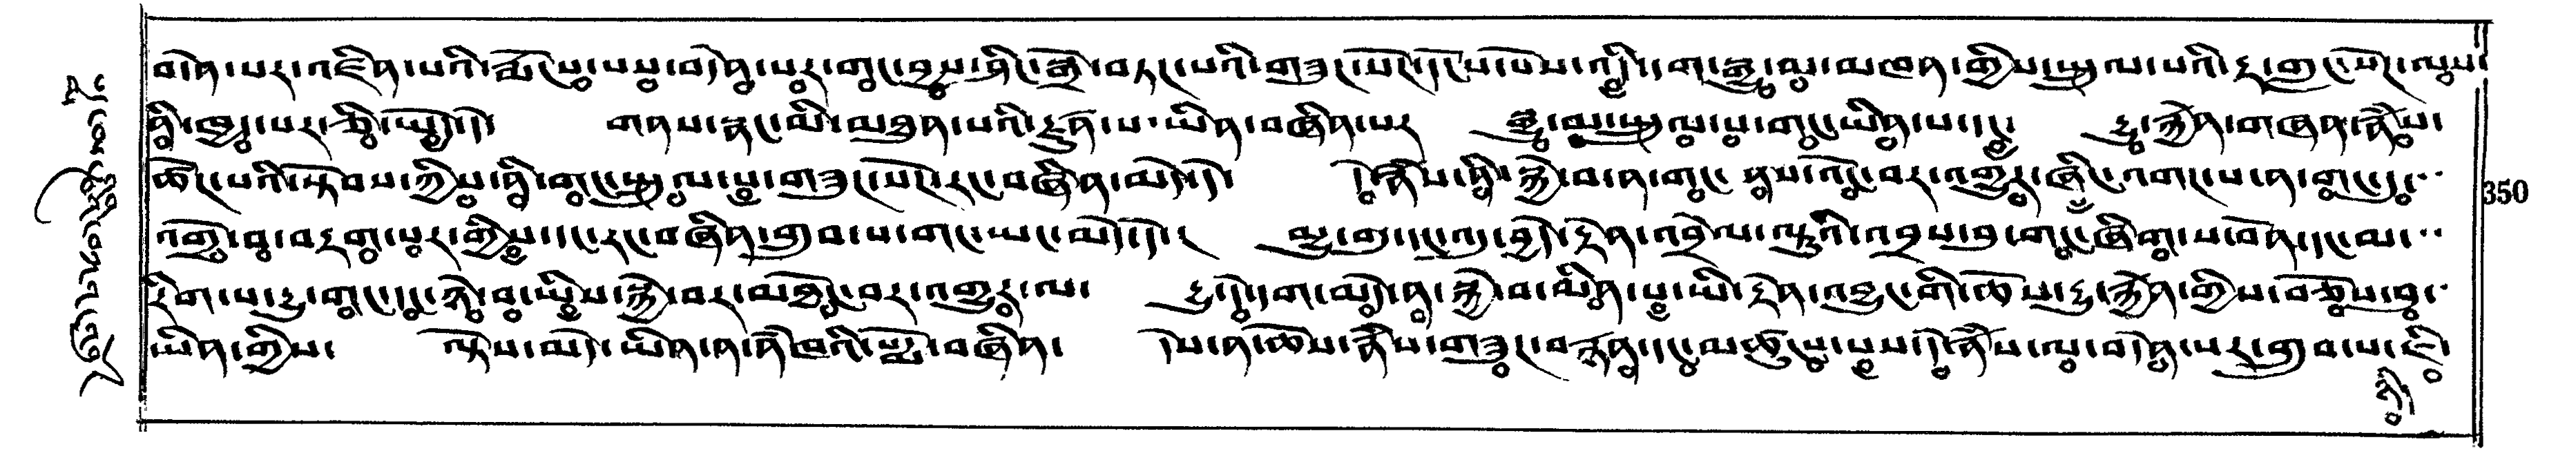བདེན་པར་འཛིན་པའི་རྨོངས་པས་བདེན་པར་གང་བྱས་ཤིང་སྒྲོ་བཏགས་པའི་གཟུགས་སོགས་དངོས་པོས་འདི་དག་སྒྱུ་མ་མཁན་གྱིས་སྤྲུལ་པའི་རྟ་གླང་སོགས་ལས་
ནི་ཁྱད་པར་ཅི་ཡོད་དེ།གནས་སྣང་མི་མཐུན་པའི་རྫུན་པ་ཡིན་བཞིན་པར། སྒྱུ་མ་སྤྲུལ་པ་གང་ཡིན་པ་དང་། རྒྱུ་རྐྱེན་གཞན་རྣམས་
ཚོགས་པའི་སྟོབས་ཀྱིས་ནི་གང་སྤྲུལ་པ་གཟུགས་སོགས་རང་བཞིན་མེད་དེ། དེ་རྣམས་ནི་སྐྱེ་བ་ན་གང་ནས་འོང་བར་འགྱུར་ཞིང་འགགས་པ་ན་གང་དུ་
འགྲོ་བ་བརྟག་པར་གྱིས་དང་རང་བཞིན་གྲུབ་པ་གང་ཡང་མེད་དོ།། མྱུ་གུ་དང་འདུ་བྱེད་རྟེན་འབྲེལ་ལྟ་བུའི་འབྲས་བུ་གང་ཞིག་ས་བོན་དང་མ་
རིག་པ་རྒྱུ་གང་དང་ཉེ་བ་ཡིས་སྐྱེ་བར་མཐོང་བར་འགྱུར་ལ། རྒྱུ་དེ་དག་མེད་ན་སྐྱེ་བ་མིན་པ་ཡི་རྟེན་འབྱུང་གི་ཆོས་རྒྱུ་རྐྱེན་གྱིས་བཅོས་བུ་
ཡིན་གྱིས། ལྟོས་མེད་ཡིན་ན་ནམ་མཁའི་པདྨོ་བཞིན། དེས་ན་ཆོས་རྣམས་གཟུགས་བརྙན་དང་མཚུངས་པས་དེ་རྣམས་ལ་བདེན་པར་གྲུབ་པ་ཉིད་ཇི་